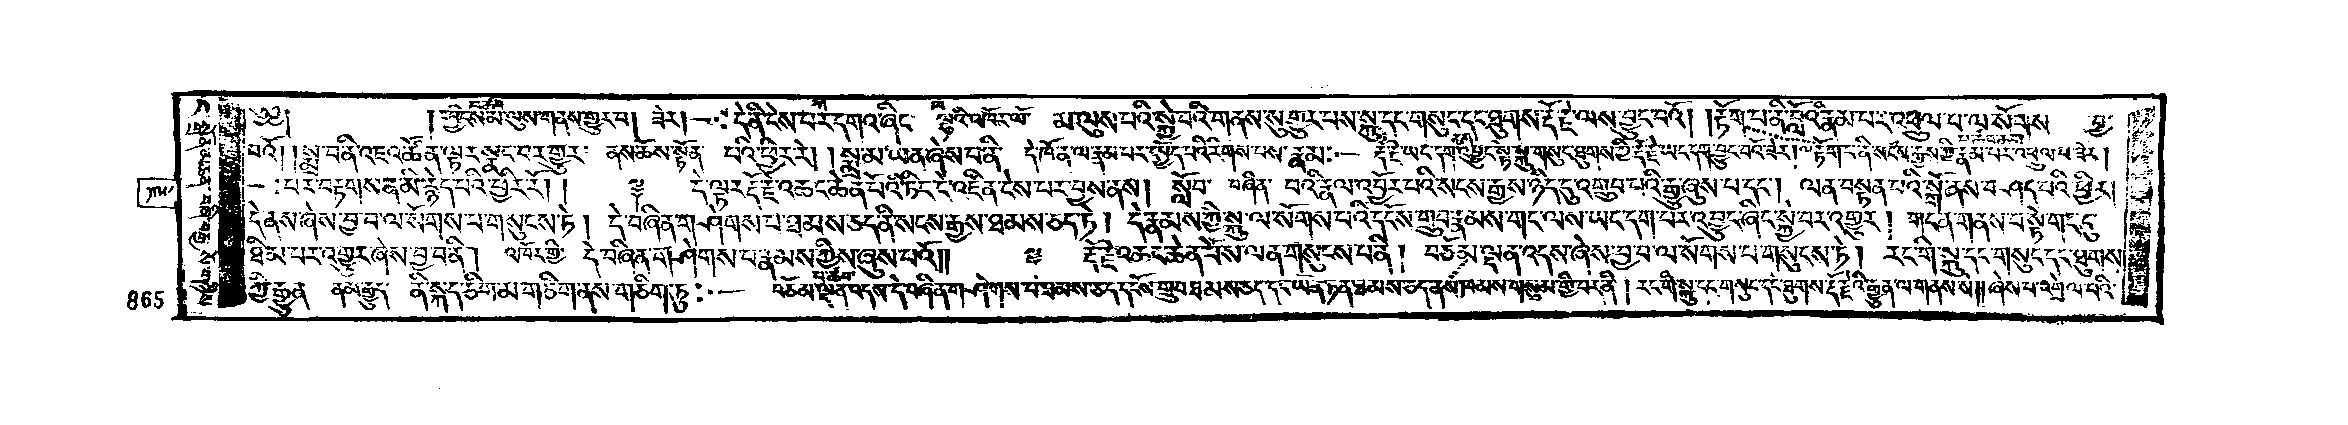༄༅། །དབྱིངས་པ་ཚབ་མ་ལུས་གནས་གྱུར་པ། ཟེར། .Hདེ་ནི་ངེས་པར་ཀ་དགའ་ཞིང་ཁ་ལྷའི་འཁོར་ལོ་མ་ལུས་པའི་སྐྱེ་བའི་གནས་སུ་གྱུར་པས་སྐུ་དང་གསུང་དང་ཐུགས་རྡོ་རྗེ་ལས་བྱུང་བའོ། །རྟོག་པ་ནི་བློའི་རྣམ་པར་འཕྲུལ་པ་ལ་སོགས་པའི་བྱ་
བའོ། །སྨྲ་བ་ནི་འཇའ་ཚོན་ལྟར་སྣང་བར་གྱུར་ནས་ཆོས་སྟོན་པའི་ཕྱིར་རོ། །སྨྲ་མ་ཡིན་ཞེས་པ་ནི་དེ་ཁོ་ན་ལ་རྣམ་པར་དཔྱེད་པའི་རིགས་པས་རྣམཿ་རྡོ་རྗེ་ཡང་དག་ཆག་འབྱུང་སྟེ་སྐུ་གསུང་ཐུགས་ཀྱི་རྡོ་རྗེ་ཡང་དག་བྱུང་བའོ་ཟེར། ༧རྟོག་པ་ནི་སངས་རྒྱས་ཀྱི་པ་ཚབ་ཆག་རྣམ་པར་འཕྲུལ་པ་ཟེར།
.Hཔར་བརྟགས་ན་མི་རྙེད་པའི་ཕྱིར་རོ། ། ༈ དེ་ལྟར་རྡོ་རྗེ་འཆང་ཆེན་པོའི་ཏིང་ངེ་འཛིན་ངེས་པར་བྱས་ནས། སློབ་བཞིན་པའི་རྣལ་འབྱོར་པའི་སངས་རྒྱས་ཉིད་དུ་འགྲུབ་པའི་རྒྱུ་ཞུས་པ་དང་། ལན་བསྟན་པའི་སྒོ་ནས་བཤད་པའི་ཕྱིར།
དེ་ནས་ཞེས་བྱ་བ་ལ་སོགས་པ་གསུངས་ཏེ། དེ་བཞིན་གཤེགས་པ་ཐམས་ཅད་ནི་སངས་རྒྱས་ཐམས་ཅད་ཏེ། དེ་རྣམས་ཀྱི་སྐུ་ལ་སོགས་པའི་དངོས་གྲུབ་རྣམས་གང་ལས་ཡང་དག་པར་འབྱུང་ཞིང་སྐྱེ་བར་འགྱུར། གང་ན་གནས་པ་སྟེ་གང་དུ་
ཐིམ་པར་འགྱུར་ཞེས་བྱ་བ་ནི། འཁོར་གྱི་དེ་བཞིན་གཤེགས་པ་རྣམས་ཀྱིས་ཞུས་པའོ།། ༈ རྡོ་རྗེ་འཆང་ཆེན་པོས་ལན་གསུངས་པ་ནི། བཅོམ་ལྡན་འདས་ཞེས་བྱ་བ་ལ་སོགས་པ་གསུངས་ཏེ། རང་གི་སྐུ་དང་གསུང་དང་ཐུགས་
ཀྱི་རྒྱུན་ནམ་རྒྱུད་ནི་སྐད་ཅིག་མ་གཅིག་ནས་གཅིག་ཏུཿ་པ་ཚབ་བཅོམ་ལྡན་འདས་དེ་བཞིན་གཤེགས་པ་ཐམས་ཅད་དངོས་གྲུབ་ཐམས་ཅད་དང་ཡོན་ཏན་ཐམས་ཅད་ནས་ཁམས་གསུམ་གྱི་བར་ནི། རང་གི་སྐུ་དང་གསུང་དང་ཐུགས་རྡོ་རྗེའི་རྒྱུན་ལ་གནས་སོ། །ཞེས་པ་འགྲེལ་པའི་